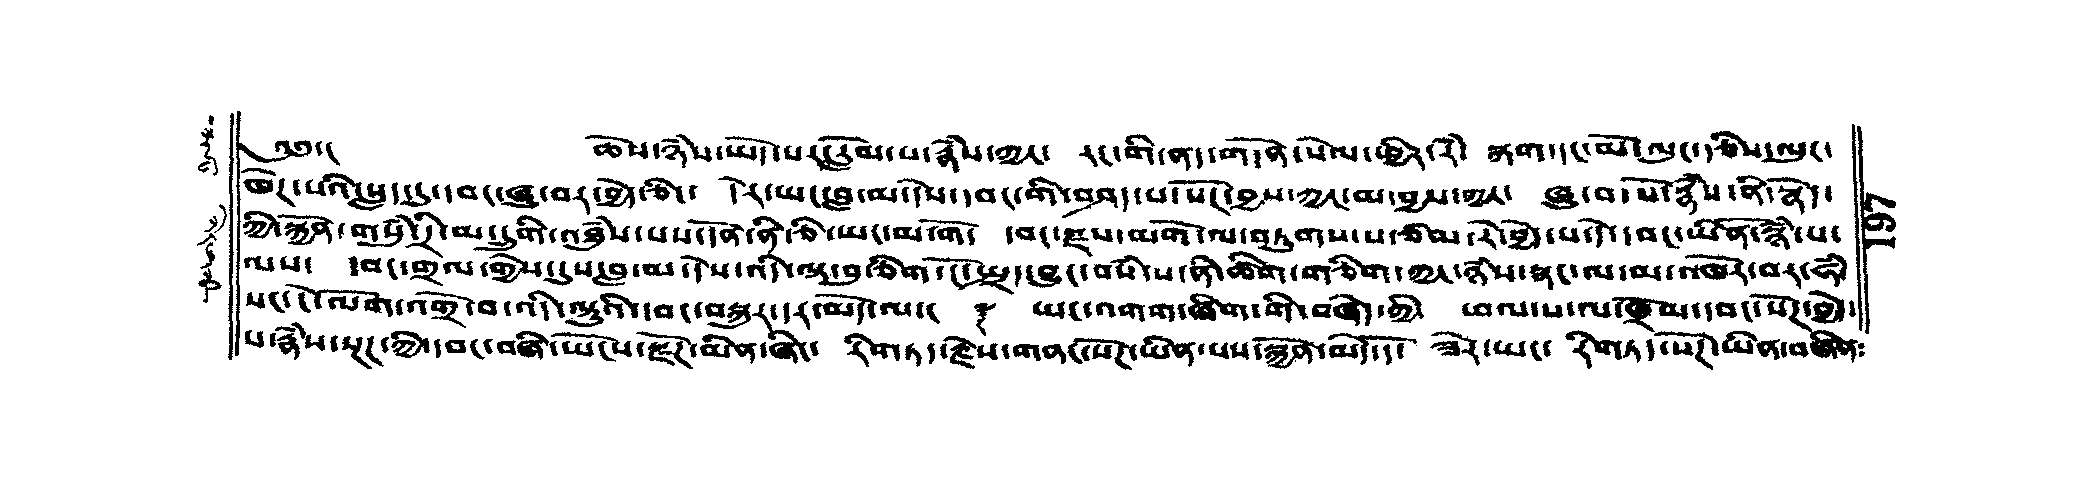ཆོས་ཉམས་ཡོད་པར་རློམ་པ་རྣམས་ཀྱང་། རང་གི་ནད་གདོན་སེལ་ཕྱིར་རམ། སྐག་དང་མོ་ལུང་རྩིས་ལུང་
ཁེགས་པའི་སླད་དུ་དབང་ཞུ་བར་བྱེད་ཅིང་། དེར་ཡང་བླ་མ་དེས་དབང་གི་བཤད་པ་སོགས་བྱས་ཀྱང་མ་བྱས་ཀྱང་། ཞུ་བ་སཔ་རྣམས་ནི་སྣོད་
ཀྱི་སྐྱོན་གསུམ་དྲི་མ་དྲུག་གི་འཐུམས་པས་དོན་ནི་ཅི་ཡང་མ་གོ དབང་རྫས་མགོ་ལ་བཏུགས་པ་ཙམ་རེ་བྱེད་པ་དེ་དབང་ཡིན་ནོ་སྙམ་པ་
ལས། དབང་གྲལ་གྱིས་དུས་བླ་མ་དེས་འདི་ལྟ་བུ་ཞིག་ངོ་སྤྲད་བྱུང་བསམ་པ་ནི་ཚིག་གཅིག་ཀྱང་ཉམས་སྣང་ལ་མ་འཁོར་བར་ཧམ་
སང་ངེ་ལོག་འགྲོ་བ་འདི་ལྟ་བུའི་དབང་བསྐུར་དར་མོད་ལ། ཡང་འགའ་ཞིག་གི་བཞེད་ཀྱི། ཕལ་པ་ལ་ཁྲོམ་དབང་སོགས་བྱེད་
པ་རྣམས་སྔགས་ཀྱི་དབང་བཞི་ཡོངས་རྫོགས་མིན་ཞིང་། རིག་གཏད་རྗེས་གནང་སོགས་ཡིན་པས་སྐྱོན་མེད་དོ། ཟེར་ཡང་། རིག་གཏད་སོགས་ཡིན་བཞིན་